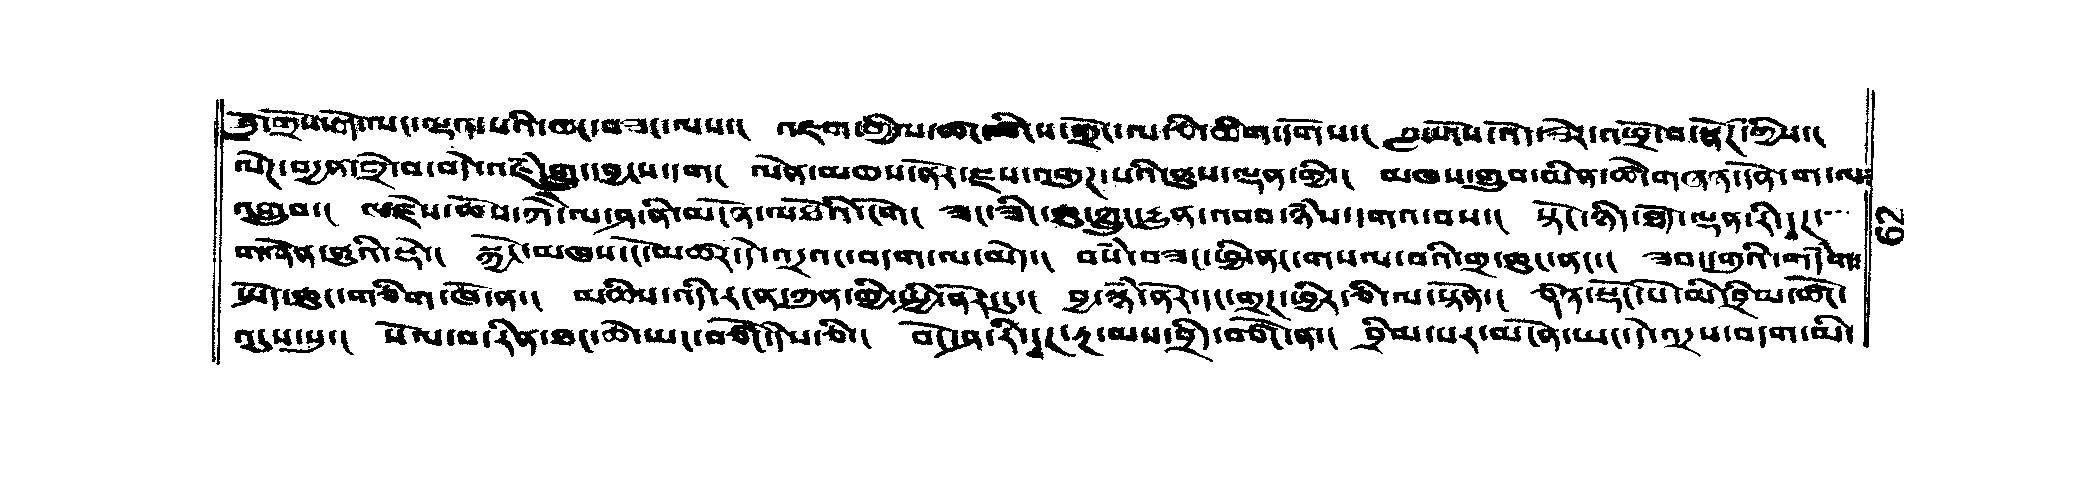།བློ་གྲོས་སྒོ་མང་ལྡན་པའི་ཁང་བཟང་ལས། །འཇག་ཁྱིམ་ཚང་ཚིང་གྲོང་ལ་ཅི་ཞིག་དགོས། །བླ་གོས་འོད་ཟེར་འཕྲོ་བ་སྣ་ཚོགས་ཀྱིས། །
ལེགས་བརྒྱན་གྲེ་བ་བདེ་འཇམ་གླུ་དབྱངས་དག ལེན་མཁས་ནོར་རྫས་འགུགས་པའི་ནུས་ལྡན་གྱི། །མཁས་གྲུབ་མིན་ཚེ་གཞན་དོན་ག་ལ་
འགྲུབ། །མཛེས་ཆོས་ཀཻ་ལ་ཤ་རི་མངོན་མཐོའི་ངོགས། །ཟང་ཟིང་ཆུ་ཀླུང་རྒྱུན་འབབ་ཉམས་དགའ་བས། །སྟོང་ཉིད་སྣོད་ལྡན་རི་དྭགས་
གཞོན་ནུའི་སྡེ། །སྐྱོང་མཁས་ངོ་མཚར་དེ་འདྲའང་བདག་ལ་མེད། །བསམ་བཟང་ཕྱི་ནང་གསལ་བའི་གྲྭ་ཆུང་ནང་། །ཟབ་དགུའི་གདམས་ངག་
པོད་ཆུང་གཅིག་ཁོ་ན། །མཆིས་འདི་རང་གཞན་ཀུན་གྱི་སྤྱི་ནོར་དུ། །བྱ་སྙམ་ནོར་དང་གྲགས་ཕྱིར་ཅི་ལ་སྟོན། །ཙནྡན་སྡོང་པོ་མི་བྲིམ་ཚོང་
འདུས་སུ། །སོལ་བ་རིན་ཐང་ཆེ་ཡང་བཙོང་དེས་ཅི། །བོང་ཤ་རི་དྭགས་རྔ་མས་བྲིད་བཙོང་ན། །བྲིམ་པར་མངོན་ཡང་དེ་འདྲས་བདག་མི་